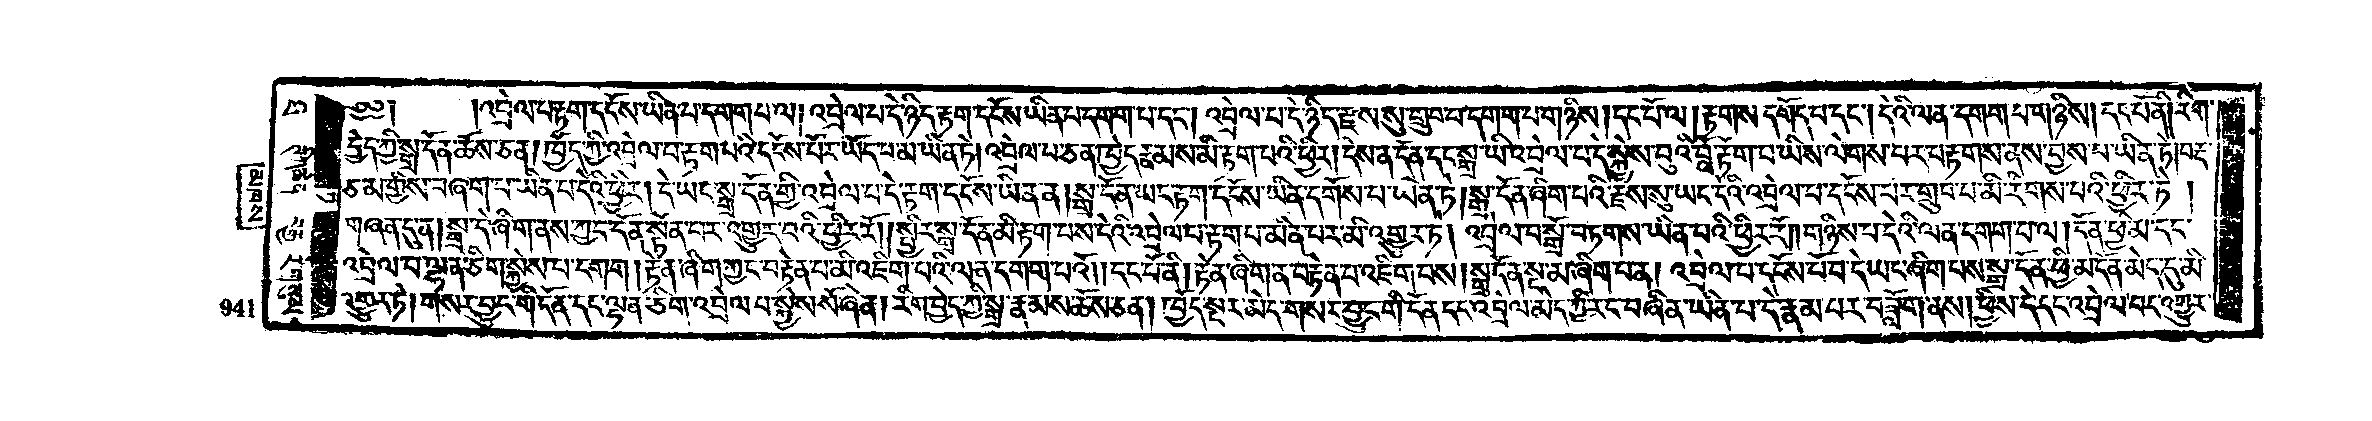༄༅། །འབྲེལ་པ་རྟག་དངོས་ཡིན་པ་དགག་པ་ལ། འབྲེལ་བ་དེ་ཉིད་རྟག་དངོས་ཡིན་པ་དགག་པ་དང་། འབྲེལ་བ་དེ་ཉིད་རྫས་སུ་གྲུབ་པ་དགག་པ་གཉིས། དང་པོ་ལ། རྟགས་དགོད་པ་དང་། དེའི་ལེན་དགག་པ་གཉིས། དང་པོ་ནི། རིག་
བྱེད་ཀྱི་སྒྲ་དོན་ཆོས་ཅན། ཁྱོད་ཀྱི་འབྲེལ་བ་རྟག་པའི་དངོས་པོར་ཡོད་པ་མ་ཡིན་ཏེ། འབྲེལ་བ་ཅན་ཁྱེད་རྣམས་མི་རྟག་པའི་ཕྱིར། དེས་ན་དོན་དང་སྒྲ་ཡི་འབྲེལ་བ་དེ་སྐྱེས་བུའི་བློ་རྟོག་པ་ཡིས་ལེགས་པར་བརྟགས་ནས་བྱས་པ་ཡིན་ཏེ། བརྡ་
ཙམ་གྱིས་བཞག་པ་ཡིན་པ་དེའི་ཕྱིར། དེ་ཡང་སྒྲ་དོན་གྱི་འབྲེལ་པ་དེ་རྟག་དངོས་ཡིན་ན། སྒྲ་དོན་ཡང་རྟག་དངོས་ཡིན་དགོས་པ་ཡིན་ཏེ། སྒྲ་དོན་ཞིག་པའི་རྗེས་སུ་ཡང་དེའི་འབྲེལ་བ་དངོས་པོར་གྲུབ་པ་མི་རིགས་པའི་ཕྱིར་ཏེ།
གཞན་དུ་ན། སྒྲ་དེ་ཞིག་ནས་ཀྱང་དོན་སྟོན་པར་འགྱུར་བའི་ཕྱིར་རོ། །སྤྱིར་སྒྲ་དོན་མི་རྟག་པས་དེའི་འབྲེལ་བ་རྟག་པ་མིན་པར་མི་འགྱུར་ཏེ། འབྲེལ་བ་སྒྲོ་བཏགས་ཡིན་པའི་ཕྱིར་རོ། །གཉིས་པ་དེའི་ལན་དགག་པ་ལ། དོན་ཕྱི་མ་དང་
འབྲེལ་བ་ལྷན་ཅིག་སྐྱེས་པ་དགག །རྟེན་ཞིག་ཀྱང་བརྟེན་པ་མི་འཇིག་པའི་ལན་དགག་པའོ། །དང་པོ་ནི། རྟེན་ཞིག་ན་བརྟེན་པ་འཇིག་པས། སྒྲ་དོན་སྔ་མ་ཞིག་པ་ན། འབྲེལ་བ་དངོས་པོ་བ་དེ་ཡང་ཞིག་པས་སྒྲ་དོན་ཕྱི་མ་དོན་མེད་དུ་མི་
འགྱུར་ཏེ། གསར་བྱུང་གི་དོན་དང་ལྷན་ཅིག་འབྲེལ་པ་སྐྱེས་སོ་ཞེ་ན། རིག་བྱེད་ཀྱི་སྒྲ་རྣམས་ཆོས་ཅན། ཁྱོད་སྔར་མེད་གསར་བྱུང་གི་དོན་དང་འབྲེལ་མེད་ཀྱི་རང་བཞིན་ཡིན་པ་དེ་རྣམ་པར་བཟློག་ནས། ཕྱིས་དེ་དང་འབྲེལ་བར་འགྱུར་